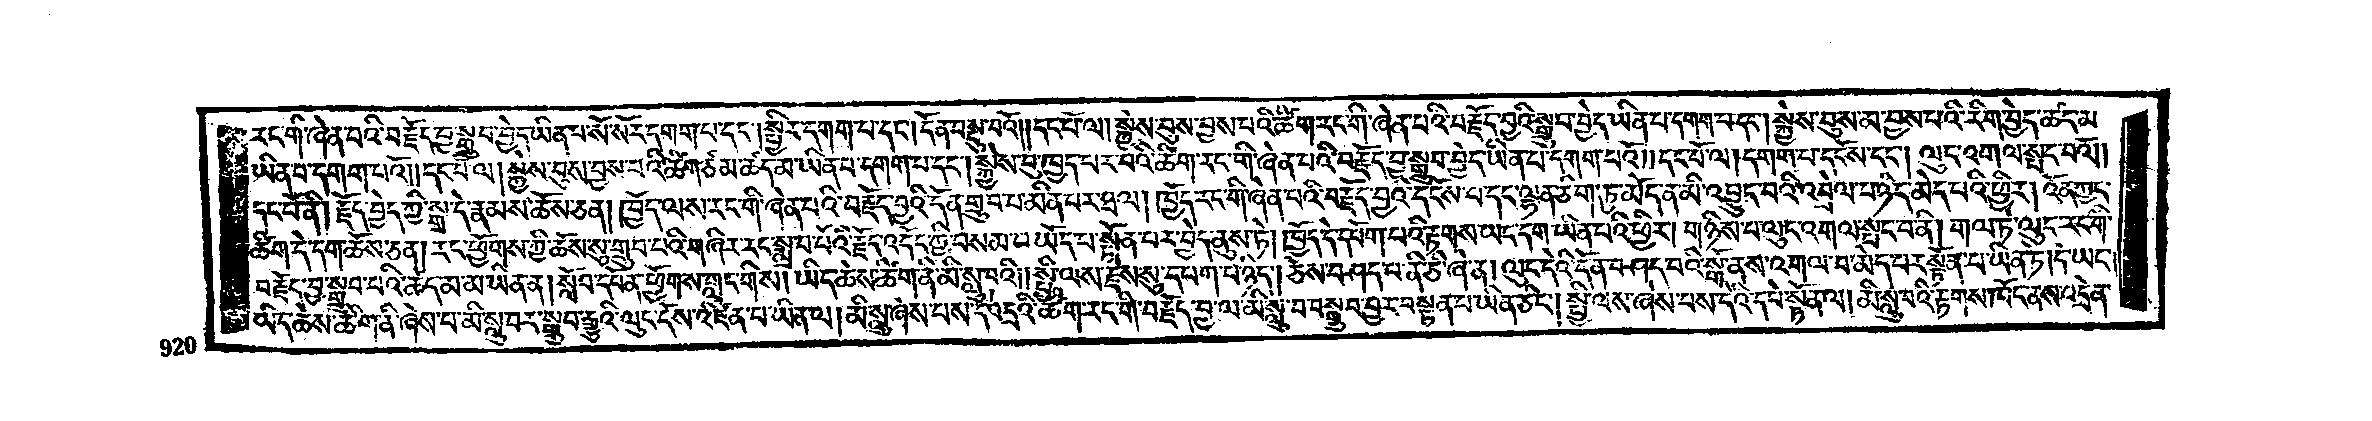རང་གི་ཞེན་པའི་བརྗོད་བྱ་སྒྲུབ་བྱེད་ཡིན་པ་སོ་སོར་དགག་པ་དང་། སྤྱིར་དགག་པ་དང་། དོན་བསྡུ་བའོ། །དང་པོ་ལ། སྐྱེས་བུས་བྱས་པའི་ཚིག་རང་གི་ཞེན་པའི་བརྗོད་བྱའི་སྒྲུབ་བྱེད་ཡིན་པ་དགག་པ་དང་། སྐྱེས་བུས་མ་བྱས་པའི་རིག་བྱེད་ཚད་མ་
ཡིན་པ་དགག་པའོ། །དང་པོ་ལ། སྐྱེས་བུས་བྱས་པའི་ཚིག་ཙམ་ཚད་མ་ཡིན་པ་དགག་པ་དང་། སྐྱེས་བུ་ཁྱད་པར་བའི་ཚིག་རང་གི་ཞེན་པའི་བརྗོད་བྱ་སྒྲུབ་བྱེད་ཡིན་པ་དགག་པའོ། །དང་པོ་ལ། དགག་པ་དངོས་དང་། ལུང་འགལ་སྤང་བའོ། །
དང་པོ་ནི། རྗོད་བྱེད་ཀྱི་སྒྲ་དེ་རྣམས་ཆོས་ཅན། ཁྱོད་ལས་རང་གི་ཞེན་པའི་བརྗོད་བྱའི་དོན་གྲུབ་པ་མིན་པར་ཐལ། ཁྱོད་རང་གི་ཞེན་པའི་བརྗོད་བྱའི་དངོས་པོ་དང་ལྷན་ཅིག་ཏུ་མེད་ན་མི་འབྱུང་བའི་འབྲེལ་པ་ཉིད་མེད་པའི་ཕྱིར། འོན་ཀྱང་
ཚིག་དེ་དག་ཆོས་ཅན། རང་ཕྱོགས་ཀྱི་ཆོས་སུ་གྲུབ་པའི་གཞིར་རང་སྨྲ་བ་པོའི་རྗོད་འདོད་ཀྱི་བསམ་པ་ཡོད་པ་སྟོན་པར་བྱེད་ནུས་ཏེ། ཁྱོད་དེ་དཔོག་པའི་རྟགས་ཡང་དག་ཡིན་པའི་ཕྱིར། གཉིས་པ་ལུང་འགལ་སྤང་བ་ནི། གལ་ཏེ་ལུང་རང་གི་
བརྗོད་བྱ་སྒྲུབ་པའི་ཚད་མ་མ་ཡིན་ན། སློབ་དཔོན་ཕྱོགས་གླང་གིས། ཡིད་ཆེས་ཚིག་ནི་མི་སླུ་བའི། །སྤྱི་ལས་རྗེས་སུ་དཔག་པ་ཉིད། ཅེས་བཤད་པ་ནི་ཅི་ཞེ་ན། ལུང་དེའི་དོན་བཤད་པའིས་གོ་ནས་འགལ་བ་མེད་པར་སྟོན་པ་ཡིན་ཏེ། དེ་ཡང་།
ཡིད་ཆེས་ཚིག་ནི་ཞེས་པ་མི་སླུ་བར་སྒྲུབ་རྒྱུའི་ལུང་ངོས་འཛིན་པ་ཡིན་ལ། མི་སླུ་ཞེས་པས་དེ་འདྲའི་ཚིག་རང་གི་བརྗོད་བྱ་ལ་མི་སླུ་བ་བསྒྲུབ་བྱར་བསྟན་པ་ཡིན་ཅིང་། སྤྱི་ལས་ཞེས་པས་དེའི་དཔེ་སྟོན་ལ། མི་སླུ་བའི་རྟགས་ཁོང་ནས་འདྲེན་